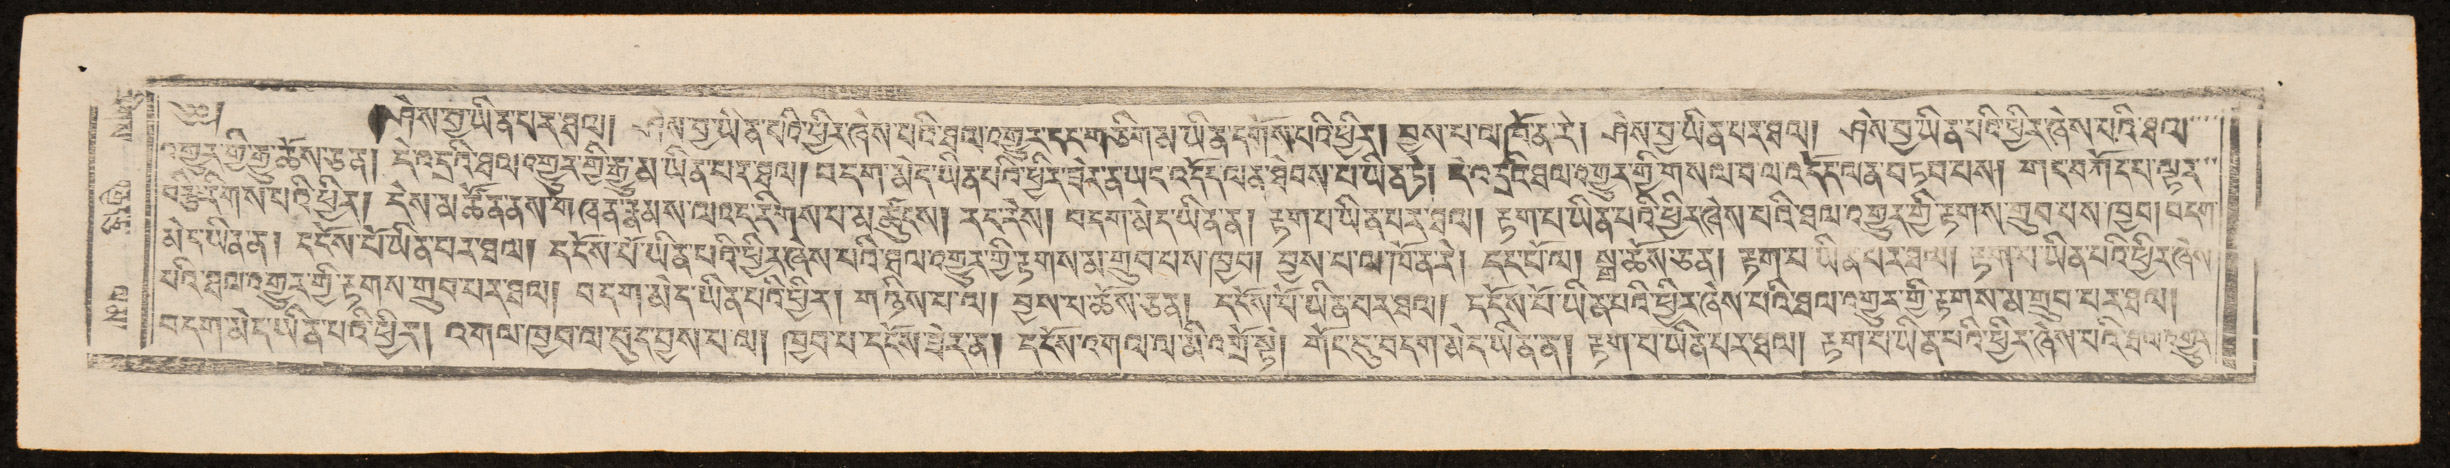༄༅། །ཤེས་བྱ་ཡིན་པར་ཐལ། ཤེས་བྱ་ཡིན་པའི་ཕྱིར་ཞེས་པའི་ཐལ་འགྱུར་དང་གཅིག་མ་ཡིན་དགོས་པའི་ཕྱིར། བྱས་པ་ལ་ཁོ་ན་རེ། ཤེས་བྱ་ཡིན་པར་ཐལ། ཤེས་བྱ་ཡིན་པའི་ཕྱིར་ཞེས་པའི་ཐལ་
འགྱུར་གྱི་རྒྱུ་ཆོས་ཅན། དེ་འདྲའི་ཐལ་འགྱུར་གྱི་རྒྱུ་མ་ཡིན་པར་ཐལ། བདག་མེད་ཡིན་པའི་ཕྱིར་ཟེར་ན་ཡང་འདོད་ལན་ཐེབས་པ་ཡིན་ཏེ། དེ་འདྲའི་ཐལ་འགྱུར་གྱི་གསལ་བ་ལ་འདོད་ལན་བཏབ་པས། གང་བཀོད་པ་ལྟར་
བརྩི་རིགས་པའི་ཕྱིར། དེས་མཚོན་ནས་གཞན་རྣམས་ལའང་རིགས་པ་མཚུངས། རང་རེས། བདག་མེད་ཡིན་ན། རྟག་པ་ཡིན་པར་ཐལ། རྟག་པ་ཡིན་པའི་ཕྱིར་ཞེས་པའི་ཐལ་འགྱུར་གྱི་རྟགས་གྲུབ་པས་ཁྱབ། བདག་
མེད་ཡིན་ན། དངོས་པོ་ཡིན་པར་ཐལ། དངོས་པོ་ཡིན་པའི་ཕྱིར་ཞེས་པའི་ཐལ་འགྱུར་གྱི་རྟགས་མ་གྲུབ་པས་ཁྱབ། བྱས་པ་ལ་ཁོ་ན་རེ། དང་པོ་ལ། སྒྲ་ཆོས་ཅན། རྟག་པ་ཡིན་པར་ཐལ། རྟག་པ་ཡིན་པའི་ཕྱིར་ཞེས་
པའི་ཐལ་འགྱུར་གྱི་རྟགས་གྲུབ་པར་ཐལ། བདག་མེད་ཡིན་པའི་ཕྱིར། གཉིས་པ་ལ། བྱས་པ་ཆོས་ཅན། དངོས་པོ་ཡིན་པར་ཐལ། དངོས་པོ་ཡིན་པའི་ཕྱིར་ཞེས་པའི་ཐལ་འགྱུར་གྱི་རྟགས་མ་གྲུབ་པར་ཐལ།
བདག་མེད་ཡིན་པའི་ཕྱིར། འགལ་ཁྱབ་ལ་བུད་བྱས་པ་ལ། ཁྱབ་པ་དངོས་ཟེར་ན། དངོས་འགལ་ལ་མི་འགྲོ་སྟེ། གོང་དུ་བདག་མེད་ཡིན་ན། རྟག་པ་ཡིན་པར་ཐལ། རྟག་པ་ཡིན་པའི་ཕྱིར་ཞེས་པའི་ཐལ་འགྱུར་